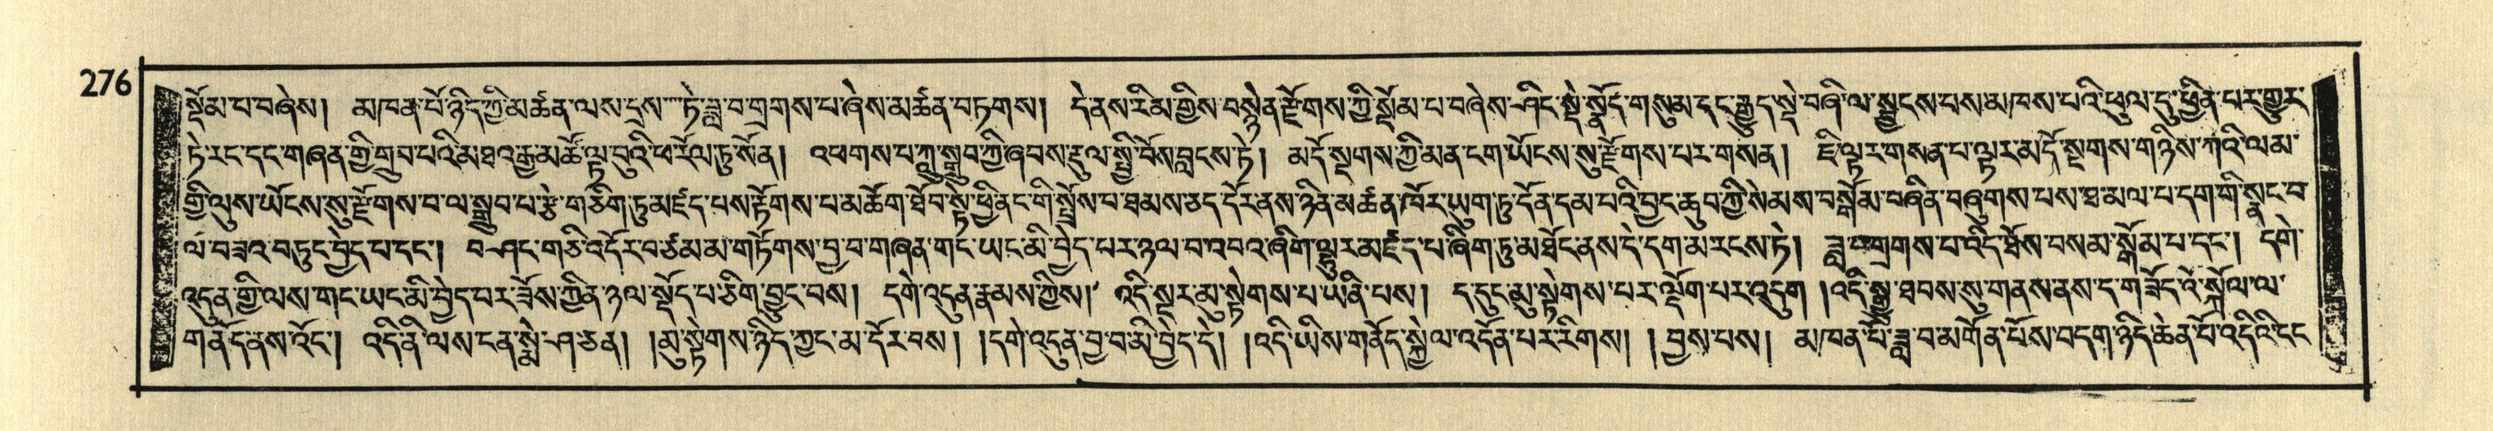སྡོམ་པ་བཞེས། མཁན་པོ་ཉིད་ཀྱི་མཚན་ལས་དྲས་ཏེ་ཟླ་བ་གྲགས་པ་ཞེས་མཚན་བཏགས། དེ་ནས་རིམ་གྱིས་བསྙེན་རྫོགས་ཀྱི་སྡོམ་པ་བཞེས་ཤིང་སྡེ་སྣོད་གསུམ་དང་རྒྱུད་སྡེ་བཞི་ལ་སྦྱངས་པས་མཁས་པའི་ཕུལ་དུ་ཕྱིན་པར་གྱུར་
ཏེ་རང་དང་གཞན་གྱི་གྲུབ་པའི་མཐའ་རྒྱ་མཚོ་ལྟ་བུའི་ཕ་རོལ་ཏུ་སོན། འཕགས་པ་ཀླུ་སྒྲུབ་ཀྱི་ཞབས་རྡུལ་སྤྱི་བོས་བླངས་ཏེ། མདོ་སྔགས་ཀྱི་མན་ངག་ཡོངས་སུ་རྫོགས་པར་གསན། ཇི་ལྟར་གསན་པ་ལྟར་མདོ་སྔགས་གཉིས་ཀའི་ལམ་
གྱི་ལུས་ཡོངས་སུ་རྫོགས་པ་ལ་སྒྲུབ་པ་རྩེ་གཅིག་ཏུ་མཛད་པས་རྟོགས་པ་མཆོག་ཐོབ་སྟེ་ཕྱི་ནང་གི་སྤྲོས་པ་ཐམས་ཅད་དོར་ནས་ཉིན་མཚན་ཁོར་ཡུག་ཏུ་དོན་དམ་པའི་བྱང་ཆུབ་ཀྱི་སེམས་བསྒོམ་བཞིན་བཞུགས་པས་ཐ་མལ་པ་དག་གི་སྣང་བ་
ལ་བཟའ་བཏུང་བྱེད་པ་དང་། བཤང་གཅི་འདོར་བ་ཙམ་མ་གཏོགས་བྱ་བ་གཞན་གང་ཡང་མི་བྱེད་པར་ཉལ་བ་འབའ་ཞིག་ལྷུར་མཛད་པ་ཞིག་ཏུ་མཐོང་ནས་དེ་དག་མ་རངས་ཏེ། ཟླ་བ་གྲགས་པ་འདི་ཐོས་བསམ་སྒོམ་པ་དང་། དགེ་
འདུན་གྱི་ལས་གང་ཡང་མི་བྱེད་བར་ཟོས་ཀྱིན་ཉལ་སྡོད་པ་ཅིག་བྱུང་བས། དགེ་འདུན་རྣམས་ཀྱིས། འདི་སྔར་མུ་སྟེགས་པ་ཡིན་པས། ད་དུང་མུ་སྟེགས་པར་ལྡོག་པར་འདུག །འདི་སྒྱུ་ཐབས་སུ་གནས་ནས་ད་གཟོད་འོ་སྐོལ་ལ་
གནོད་ནས་འོང་། འདི་ནི་ལས་ངན་སྨེ་ཤ་ཅན། །མུ་སྟེགས་ཉིད་ཀྱང་མ་དོར་བས། །དགེ་འདུན་བྱ་བ་མི་བྱེད་དེ། །འདི་ཡིས་གནོད་སྐྱེལ་འདོན་པར་རིགས། །བྱས་པས། མཁན་པོ་ཟླ་བ་མགོན་པོས་བདག་ཉིད་ཆེན་པོ་འདིའི་ངང་